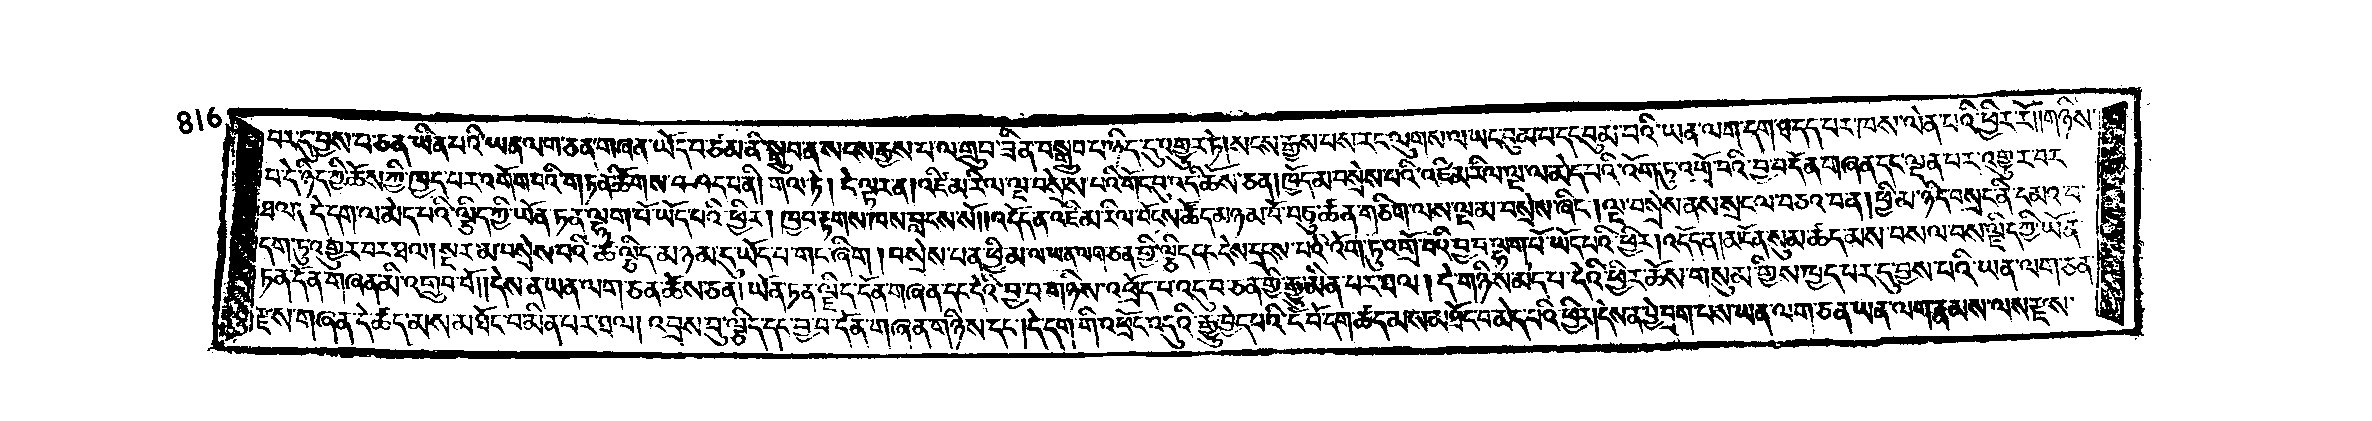པར་དུ་བྱས་པ་ཅན་ཡིན་པའི་ཡན་ལག་ཅན་གཞན་ཡོད་པ་ཙམ་ནི་སྒྲུབ་ན་སངས་རྒྱས་པ་ལ་གྲུབ་ཟིན་བསྒྲུབ་པ་ཉིད་དུ་འགྱུར་ཏེ། སངས་རྒྱས་པས་རང་ལུགས་ལ་ཡང་བུམ་པ་དང་བུམ་པའི་ཡན་ལག་དག་ཐ་དད་པར་ཁས་ལེན་པའི་ཕྱིར་རོ། །གཉིས་
པ་དེ་ཉིད་ཀྱི་ཆོས་ཀྱི་ཁྱད་པར་འགོག་པའི་གཏན་ཚིགས་བཤད་པ་ནི། གལ་ཏེ། དེ་ལྟར་ན། འཛིམ་རིལ་ལྔ་བསྲེས་པའི་གོང་བུ་འདི་ཆོས་ཅན། ཁྱོད་མ་བསྲེས་པའི་འཛིམ་རིལ་ལྔ་ལ་མེད་པའི་འོག་ཏུ་འགྲོ་བའི་བྱ་བ་དོན་གཞན་དང་ལྡན་པར་འགྱུར་བར་
ཐལ། དེ་དག་ལ་མེད་པའི་ལྕིད་ཀྱི་ཡོན་ཏན་ལྷག་པོ་ཡོད་པའི་ཕྱིར། ཁྱབ་རྟགས་ཁས་བླངས་སོ། །འདོད་ན་འཛིམ་རིལ་བོངས་ཚོད་མཉམ་པོ་བཅུ་ཚན་གཅིག་ལས་ལྔ་མ་བསྲེས་ཞིང་། ལྔ་བསྲེས་ནས་སྲང་ལ་བཅའ་བ་ན། ཕྱི་མ་ཉིད་བསྲང་ནི་དམའ་བ་
དག་ཏུ་འགྱུར་བར་ཐལ། སྔར་མ་བསྲེས་པའི་ཚེ་ལྕིད་མཉམ་དུ་ཡོད་པ་གང་ཞིག །བསྲེས་པ་ན་ཕྱི་མ་ལ་ཡན་ལག་ཅན་གྱི་ལྕིད་དང་དེས་དྲངས་པའི་འོག་ཏུ་འགྲོ་བའི་བྱ་བ་ལྷག་པོ་ཡོད་པའི་ཕྱིར། འདོད་ན། མངོན་སུམ་ཚད་མས་བསལ་བས་ལྗིད་ཀྱི་ཡོན་
ཏན་དོན་གཞན་མི་འགྲུབ་པོ། །དེས་ན་ཡན་ལག་ཅན་ཆོས་ཅན། ཡོན་ཏན་ལྗིད་དོན་གཞན་དང་དེའི་བྱ་བ་གཉིས་འཕྲོད་པ་འདུ་བ་ཅན་གྱི་རྒྱུ་མིན་པར་ཐལ། དེ་གཉིས་མེད་པ་དེའི་ཕྱིར་ཆོས་གསུམ་གྱིས་ཁྱད་པར་དུ་བྱས་པའི་ཡན་ལག་ཅན་
རྫས་གཞན་དེ་ཚད་མས་མཐོང་བ་མིན་པར་ཐལ། འབྲས་བུ་ལྕིད་དང་བྱ་བ་དོན་གཞན་གཉིས་དང་། དེ་དག་གི་འཕྲོད་འདུའི་རྒྱུ་བྱེད་པའི་ངོ་བོ་དག་ཚད་མས་མཐོང་བ་མེད་པའི་ཕྱིར། དེས་ན་བྱེ་བྲག་པས་ཡན་ལག་ཅན་ཡན་ལག་རྣམས་ལས་རྫས་